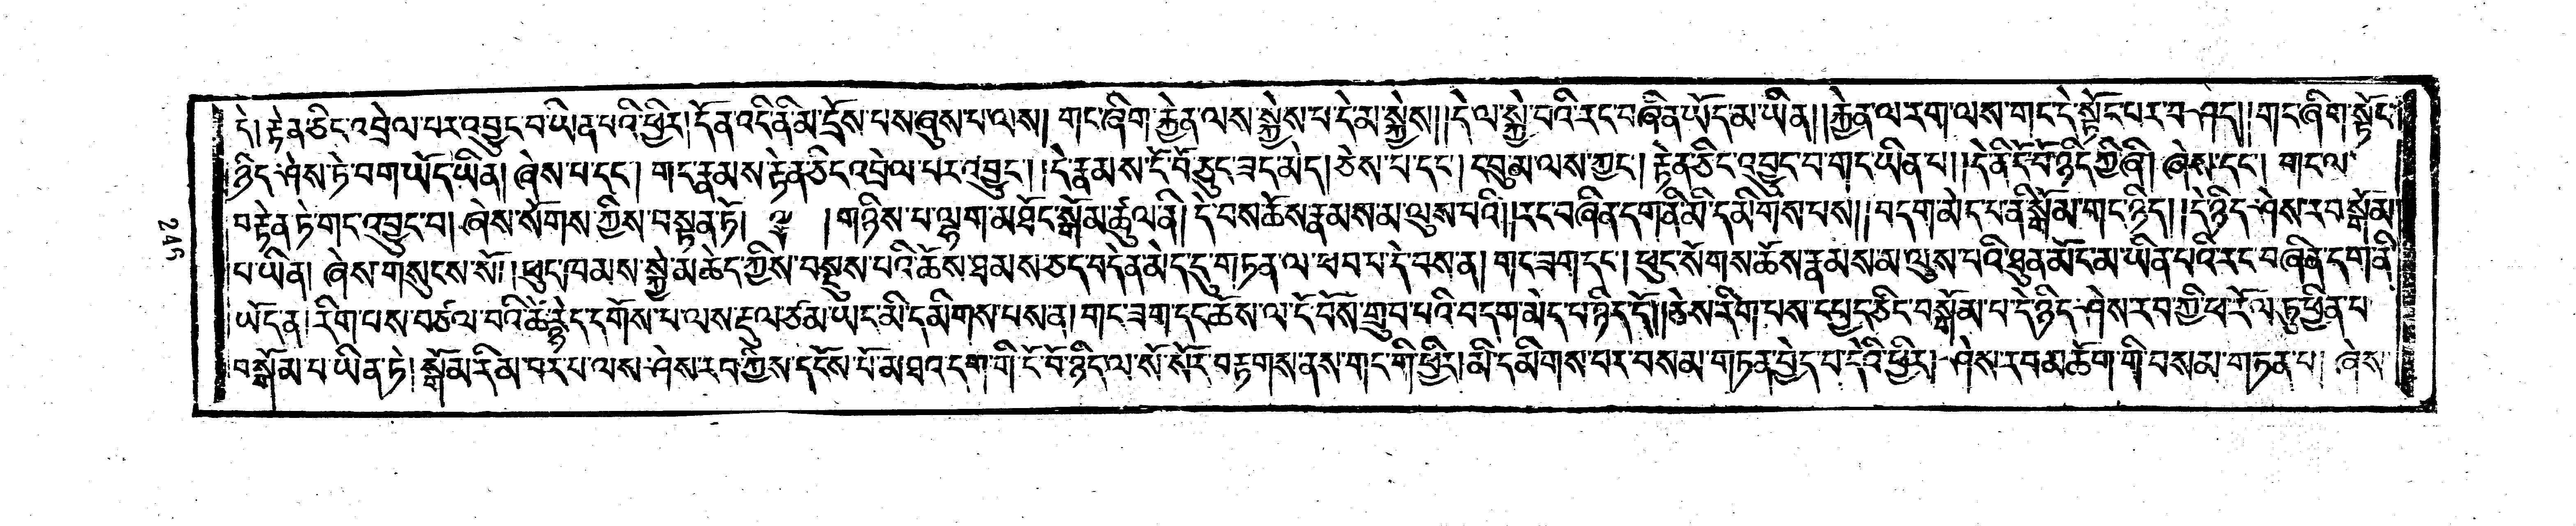དེ། རྟེན་ཅིང་འབྲེལ་པར་འབྱུང་བ་ཡིན་པའི་ཕྱིར། དོན་འདི་ནི་མ་དྲོས་པས་ཞུས་པ་ལས། གང་ཞིག་རྐྱེན་ལས་སྐྱེས་པ་དེ་མ་སྐྱེས། །དེ་ལ་སྐྱེ་བའི་རང་བཞིན་ཡོད་མ་ཡིན། །རྐྱེན་ལ་རག་ལས་གང་དེ་སྟོང་པར་བཤད། །གང་ཞིག་སྟོང་
ཉིད་ཤེས་ཏེ་བག་ཡོད་ཡིན། ཞེས་པ་དང་། གང་རྣམས་རྟེན་ཅིང་འབྲེལ་བར་འབྱུང་། །དེ་རྣམས་ངོ་བོ་ཅུང་ཟད་མེད། ཅེས་པ་དང་། དབུ་མ་ལས་ཀྱང་། རྟེན་ཅིང་འབྱུང་བ་གང་ཡིན་པ། །དེ་ནི་ངོ་བོ་ཉིད་ཀྱི་ཞི། ཞེས་དང་། གང་ལ་
བརྟེན་ཏེ་གང་འབྱུང་བ། ཞེས་སོགས་ཀྱིས་བསྟན་ཏོ། ༈ །གཉིས་པ་ལྷག་མཐོང་སྒོམ་ཚུལ་ནི། དེ་བས་ཆོས་རྣམས་མ་ལུས་པའི། །རང་བཞིན་དག་ནི་མི་དམིགས་པས། །བདག་མེད་པ་ནི་སྒོམ་གང་ཉིད། །དེ་ཉིད་ཤེས་རབ་སྒོམ་
པ་ཡིན། ཞེས་གསུངས་སོ། །ཕུང་ཁམས་སྐྱེ་མཆེད་ཀྱིས་བསྡུས་པའི་ཆོས་ཐམས་ཅད་བདེན་མེད་དུ་གཏན་ལ་ཕབ་པ་དེ་བས་ན། གང་ཟག་དང་། ཕུང་སོགས་ཆོས་རྣམས་མ་ལུས་པའི་ཐུན་མོང་མ་ཡིན་པའི་རང་བཞིན་དག་ནི་
ཡོད་ན། རིག་པས་བཙལ་བའི་ཚེ་རྙེད་དགོས་པ་ལས་རྡུལ་ཙམ་ཡང་མི་དམིགས་པས་ན། གང་ཟག་དང་ཆོས་ལ་ངོ་བོས་གྲུབ་པའི་བདག་མེད་པ་ཉིད་དོ། །ཅེས་རིག་པས་དཔྱད་ཅིང་བསྒོམ་པ་དེ་ཉིད་ཤེས་རབ་ཀྱི་ཕ་རོལ་ཏུ་ཕྱིན་པ་
བསྒོམ་པ་ཡིན་ཏེ། སྒོམ་རིམ་པར་པ་ལས་ཤེས་རབ་ཀྱིས་དངོས་པོ་མཐའ་དག་གི་ངོ་བོ་ཉིད་ལ་སོ་སོར་བརྟགས་ནས་གང་གི་ཕྱིར། མི་དམིགས་པར་བསམ་གཏན་བྱེད་པ་དེའི་ཕྱིར། ཤེས་རབ་མཆོག་གི་བསམ་གཏན་པ། ཞེས་